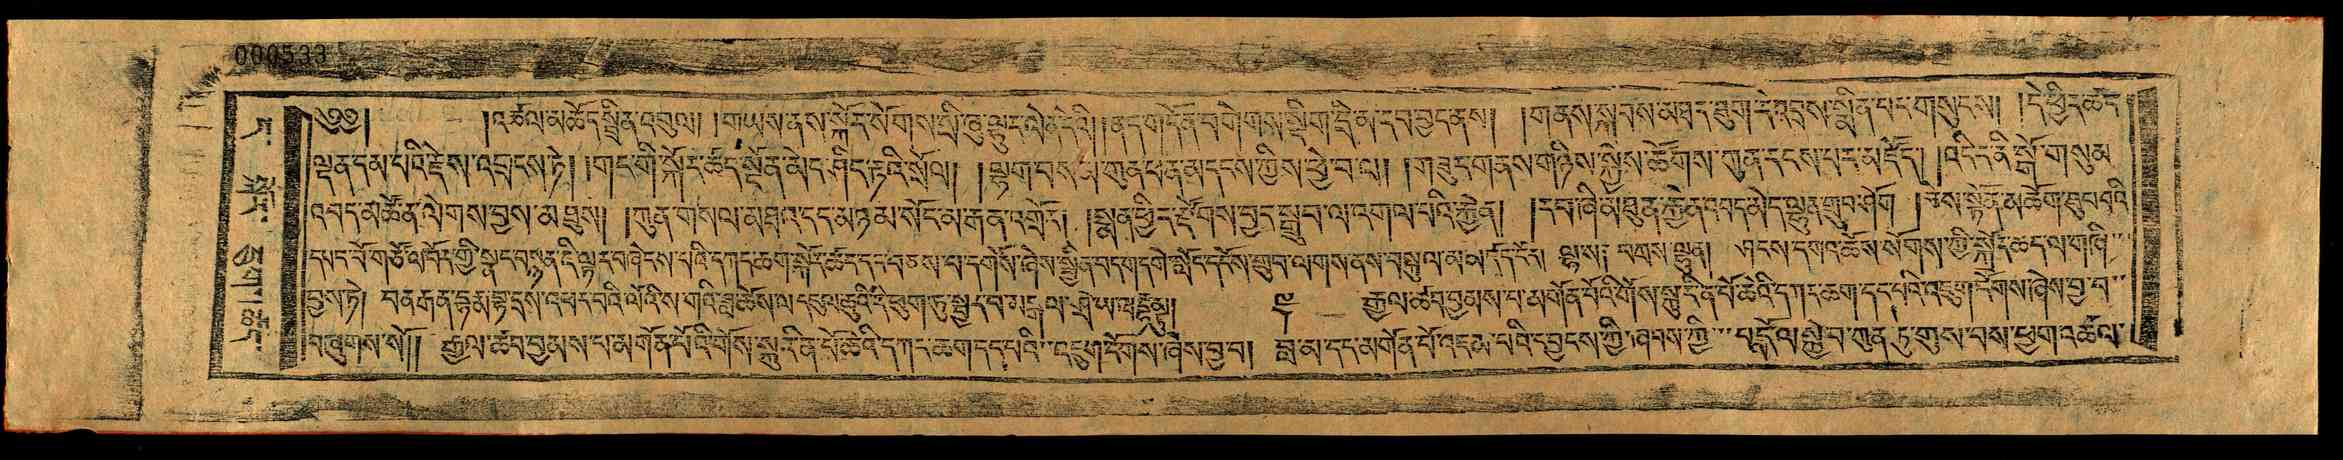༄༅། །འཚལ་མཆོད་སྤྲིན་འབུལ། །གཡས་ནས་སྐོར་སོགས་སྲི་ཞུ་ལྷུར་ལེན་དེའི། །ནད་གདོན་བགེགས་སྡིག་དྲི་མ་རབ་བྱང་ནས། །གནས་སྐབས་མཐར་ཐུག་རེ་འབྲས་སྨིན་པར་གསུངས། །དེ་ཕྱིར་རྒྱུན་
ལྡན་དམ་པའི་རྗེས་འབྲངས་ཏེ། །གང་གི་སྐོར་ཚད་སྔོན་མེད་ཤིང་རྟའི་སྲོལ། །ལྷག་བསམ་ཀུན་ཕན་མདངས་ཀྱིས་ཕྱེ་བ་ལ། །གཟུར་གནས་གཉིས་སྐྱེས་ཚོགས་ཀུན་རངས་པར་མཛོད། །འདིར་ནི་སྒོ་གསུམ་
འབད་མཚོན་ལེགས་བྱས་མཐུས། །ཀུན་གསལ་མཐའ་དང་མཉམ་སོང་མ་རྒན་འགྲོར། །སྨན་ཕྱིར་རྫོགས་བྱང་སྒྲུབ་ལ་འགལ་བའི་རྐྱེན། །རབ་ཞི་མཐུན་རྐྱེན་འབད་མེད་ལྷུན་གྲུབ་ཤོག །ཅེས་སྟོན་མཆོག་ཐུབ་པའི་
དབང་པོ་གཙོ་འཁོར་གྱི་སྣང་བརྙན་ཇི་ལྟར་བཞེངས་པའི་དཀར་ཆག་སྐོར་ཚད་དང་བཅས་པ་དགོས་ཞེས་སྦྱིན་བདག་དགེ་སློང་དངོས་གྲུབ་ལགས་ནས་བསྐུལ་མ་མཛད་དོར། ལྷ་ས། བཀྲས་ལྷུན། ཤངས་དགའ་ཆོས་སོགས་ཀྱི་སྐོར་ཚད་ལ་གཞི་
བྱས་ཏེ། བན་རྒན་དྷརྨ་བྷ་དྲས་འཕར་བའི་ལོའི་ས་གའི་ཟླ་ཚེས་ལ་དངུལ་ཆུའི་རི་ཕུག་ཏུ་སྦྱར་བ་མངྒལ་ཤྲི་ཡ་ཝ་རྡྷནྟུ།། འ་རྒྱལ་ཚབ་བྱམས་པ་མགོན་པོའི་གོས་སྐུ་རན་པོ་ཆེའི་དཀར་ཆག་དད་པའི་འཇུག་དོགས་ཞེས་བྱ་བ་
བཞུགས་སོ། །རྒྱལ་ཚབ་བྱམས་པ་མགོན་པོའི་གོས་སྐུ་རིན་པོ་ཆེའི་དཀར་ཆག་དད་པའི་འཇུག་ངོགས་ཞེས་བྱ་བ། བླ་མ་དང་མགོན་པོ་འཇམ་པའི་དབྱངས་ཀྱི་ཞབས་ཀྱི་་་པདམོ་ལ་སྐྱེ་བ་ཀུན་ཏུ་གུས་པས་ཕྱག་འཚལ་